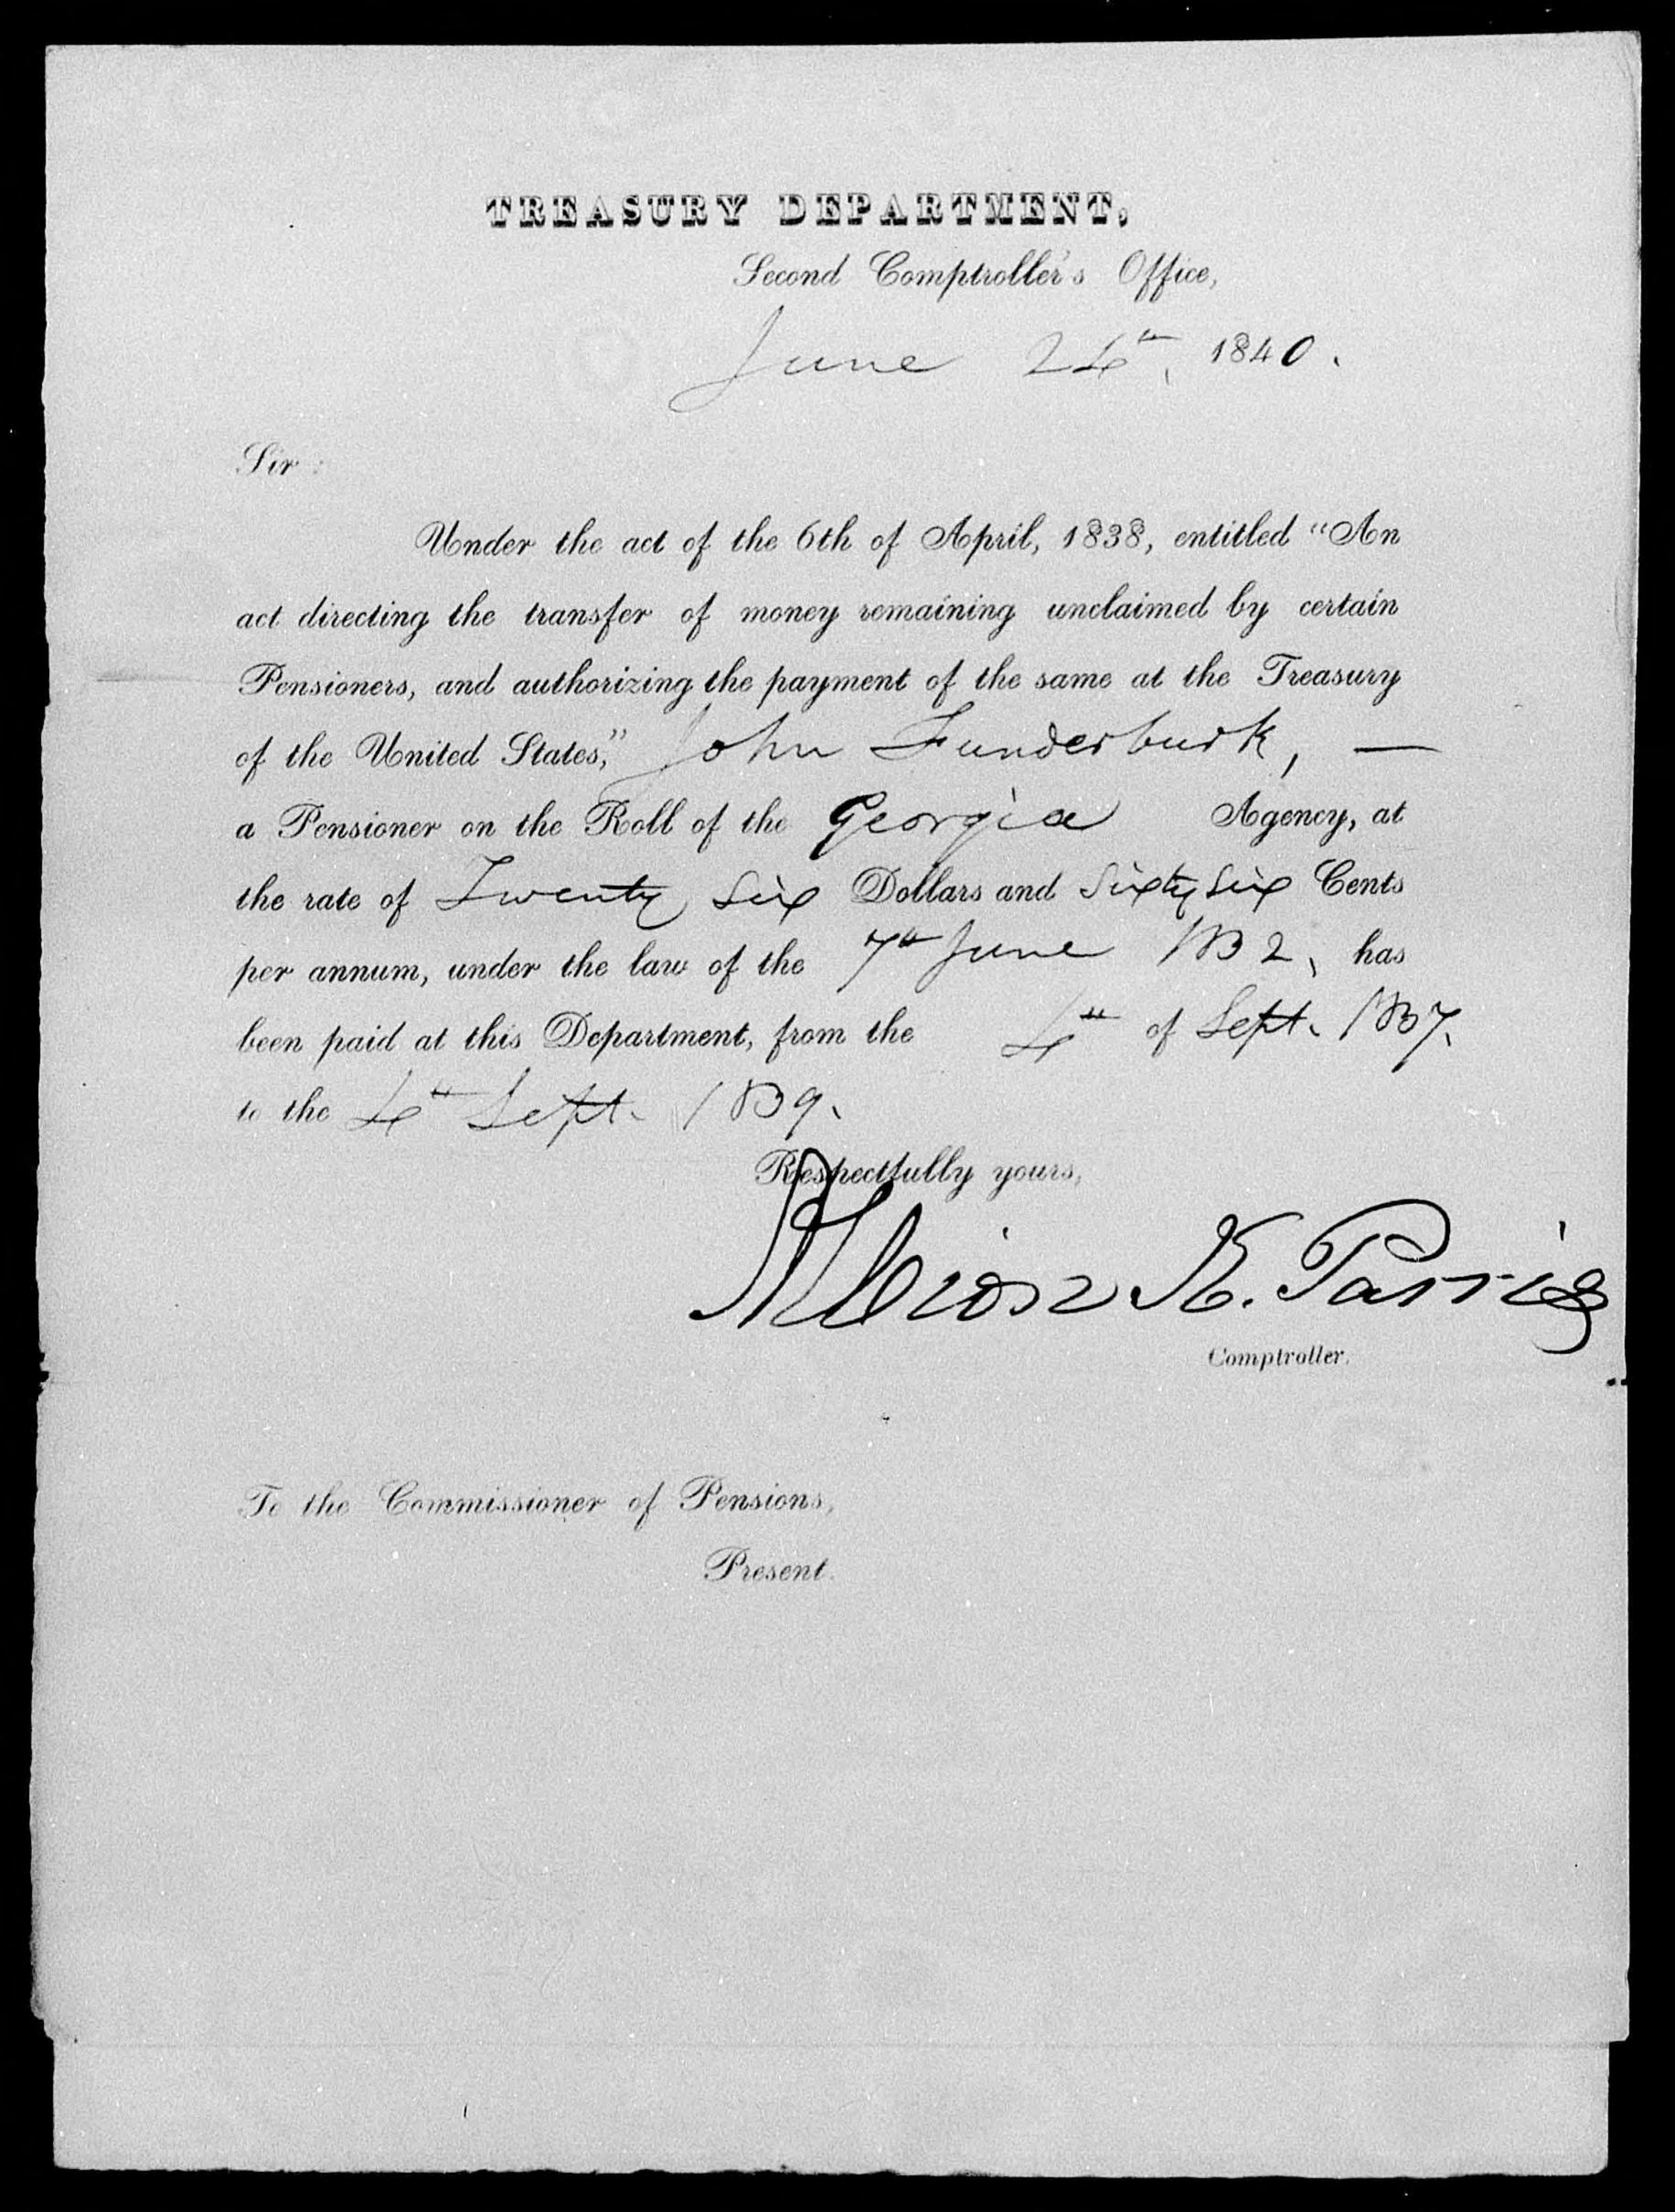TREASURY DEPARTMENT,
Second Comptroller's Office,
June 24th, 1840.

Sir:

Under the act of the 6th of April, 1838, entitled "An
act directing the transfer of money remaining unclaimed by certain 
Pensioners, and authorizing the payment of the same at the Treasury
of the United States," John Funderburk, ----
a Pensioner on the Roll of the Georgia Agency, at
the rate of Twenty Six Dollars and Sixty Six Cents 
per annum, under the law of 7th June 1832, has
been paid at this Department, from the 4th of Sept. 1837,
to the 4th Sept. 1839.
Respectfully yours,
Albion K. Parris
Comptroller,

To the Commissioner of Pensions,
Present.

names: Albion K Parris, John Funderburk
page: 22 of 23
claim: survivor's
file: S. 31,682, John Funderbuck, S.C.